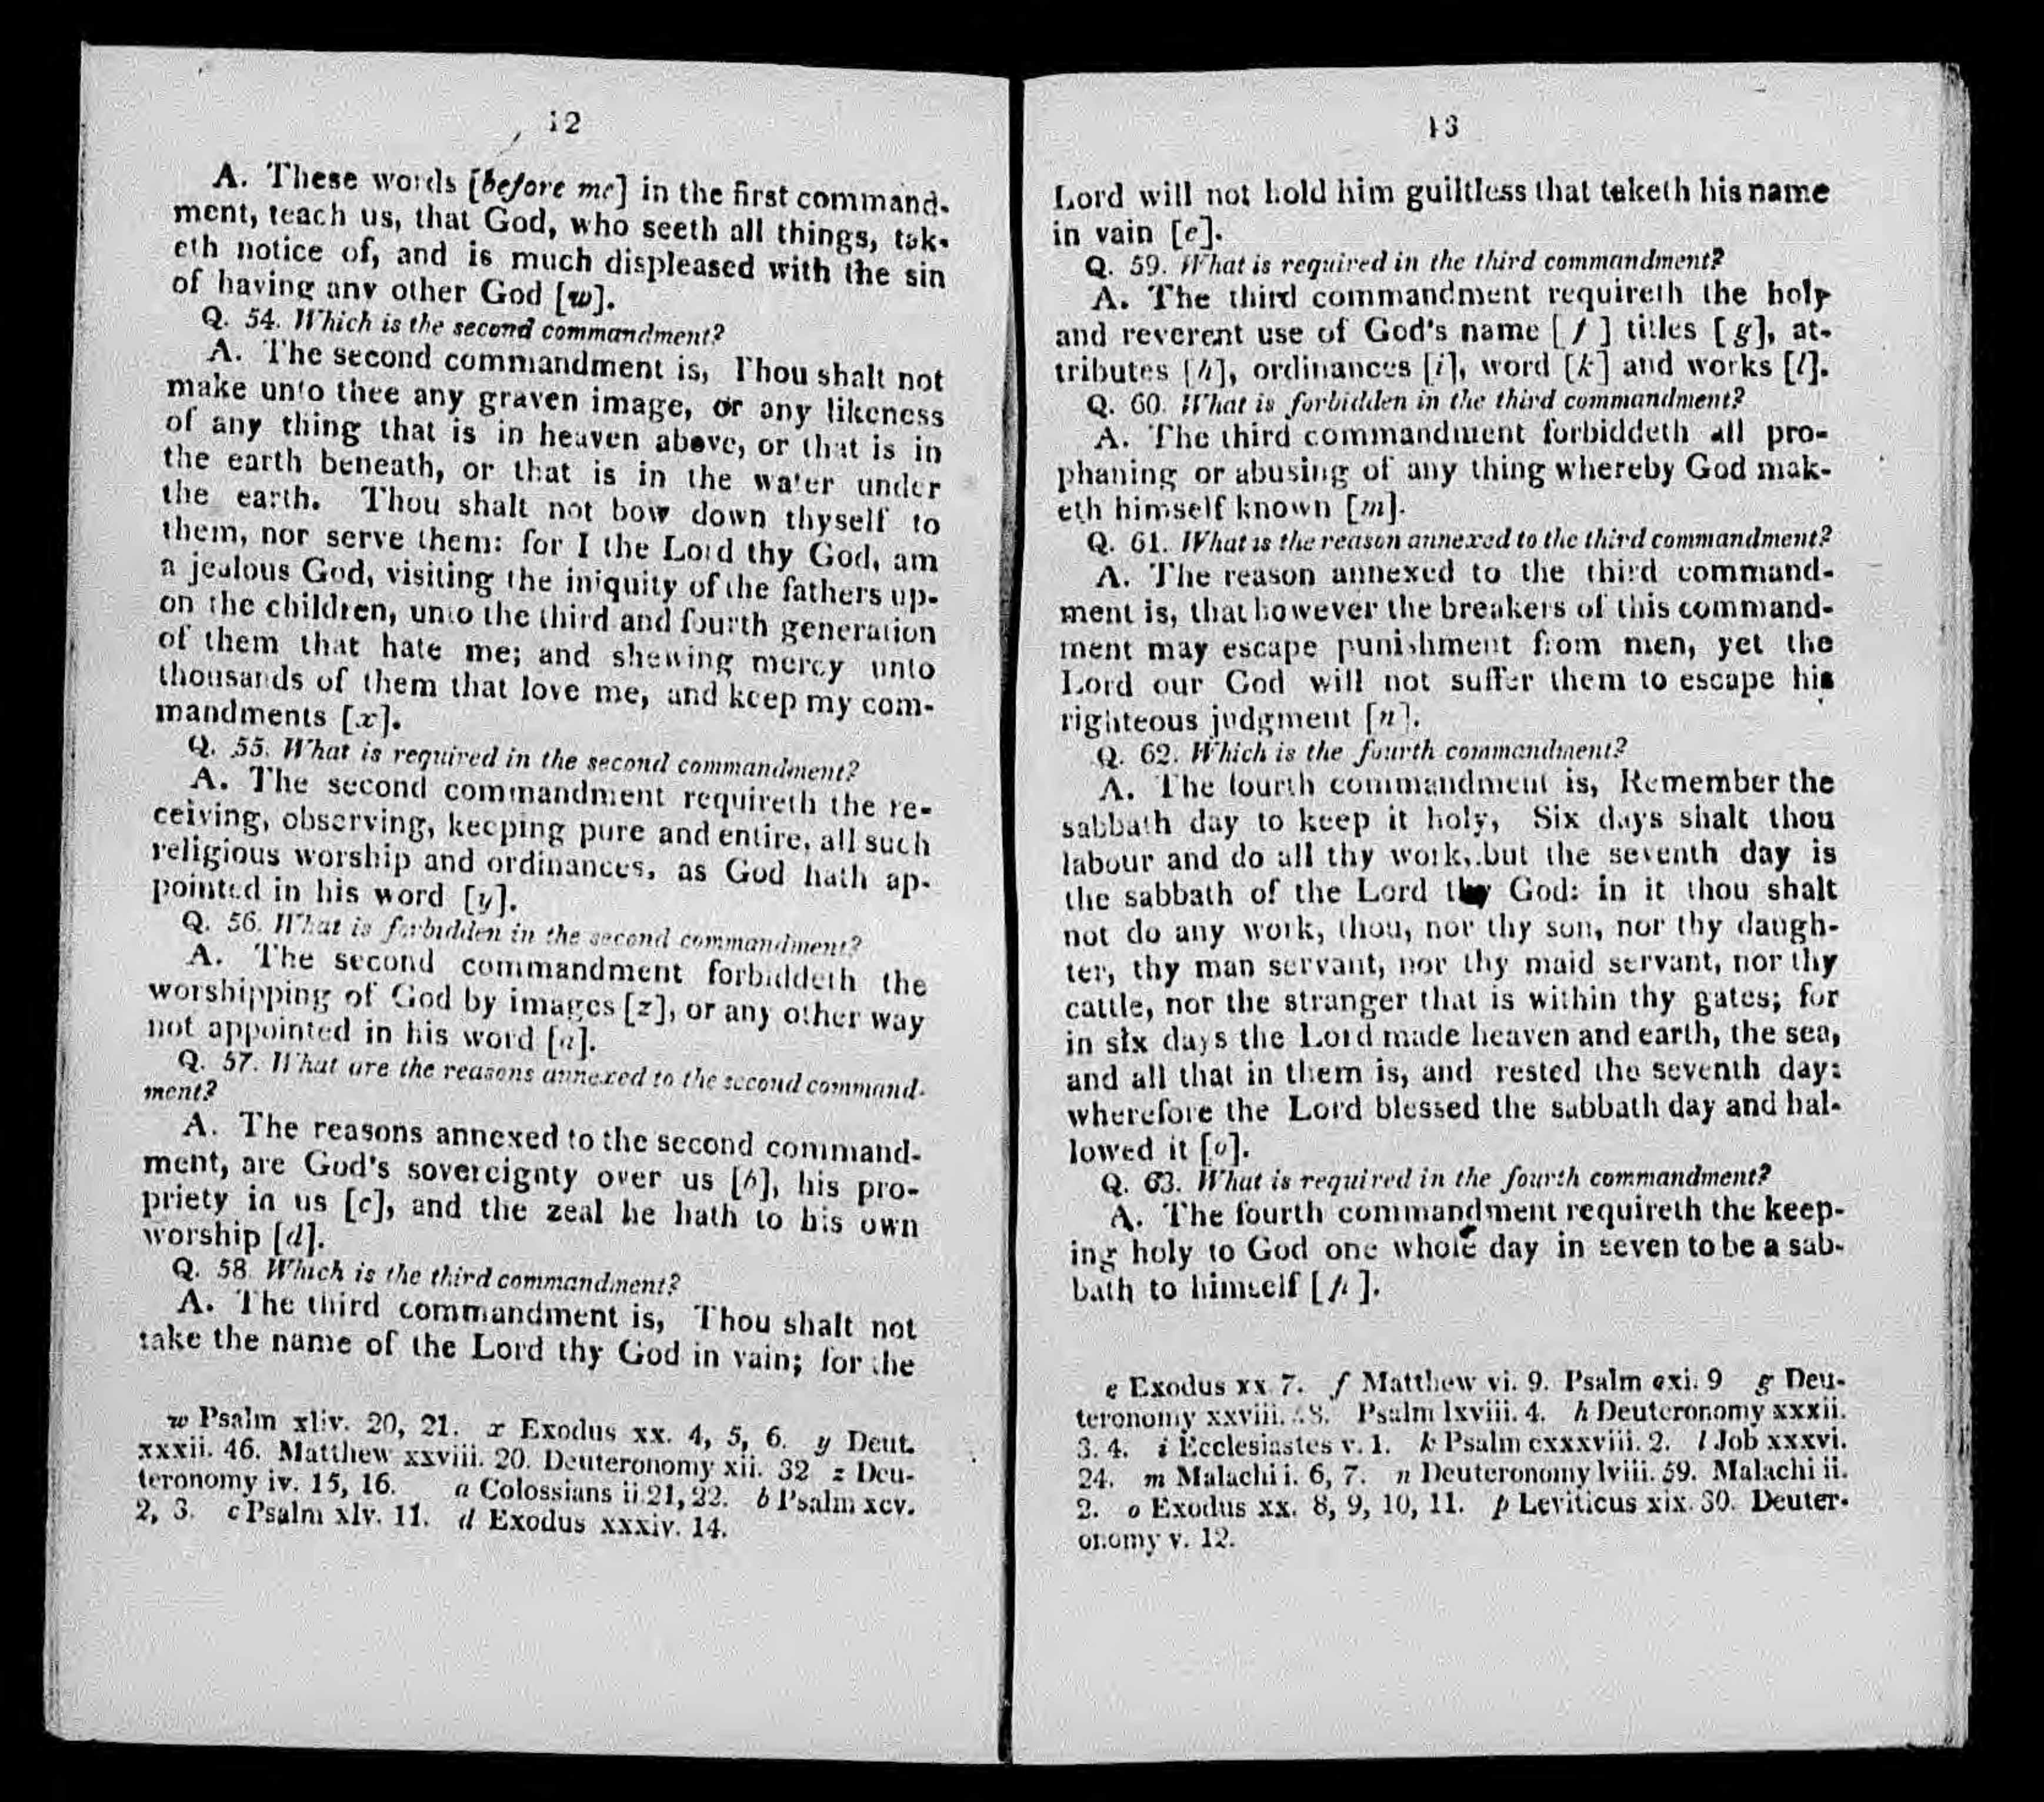12
A. These words before me in the first command-
ment, teach us, that God, who seeth all things, taketh notice of, and is much displeased with the sin of having any other God [w].

Q. 54. Which is the second commandment?
A. The second commandment is, thou shalt not
make unto thee any graven image, or any likeness
of any thing that is in heaven above, or that is in
the earth beneath, or that is in the water under the
earth. Thou shalt not bow down thyself to
them, nor serve them: for I the Lord thy God, am
a jealous God, visiting the iniquity of the fathers up-
on the children, unto the third and fourth generation
of them that hate me; and shewing mercy unto
thousands of them that love me, and keep my commandments [x].

Q.55. What is required in the second commandment?
A. The second commandment requireth the  re-
ceiving, observing, keeping pure and entire, all such
religious worship and ordinances, as God hath appointed in his word [y].

Q. 56. What is forbidden  in the second commandment?
A. The second commandment forbiddeth the
worshipping of God by images [z], or any other way
not appointed in his words [a].

Q. 57.  What are the reasons annexed to the second commandment?
A. The reasons annexed to the second commandment, are God's sovereignty over us [b], his propriety
in us [c], and the zeal he hath to his own worship [d].

Q. 58 Which is the third commandment?
A. The third commandment is, Thou shalt not
take the name of the Lord thy God in vain; for the

w Psalm xliv. 20, 21.   x Exodus xx. 4, 5, 6.   y Deut.
xxxii. 46.   Matthew xxviii. 20.   Deuteronomy xii. 32 z Deuteronomy iv. 15, 16.   a Colossians ii 21, 22.   b Psalm xcv. 2, 3.  c  Psalm xlv. 11.   d Exodus xxxiv. 14.

13

Lord will not hold him guiltless that taketh his name
in vain [e]

Q. 59. What is required in the third commandment?
A. The third commandment requireth the holy
and reverent use of God's name [f] titles [g], attributes
[h], ordinances [i],  word ([k] and works [l].

Q. 60. What is forbidden in the third commandment?
A. The third commandment forbiddeth all prophaning
or abusing of any thing whereby God maketh
himself known [m].

Q. 61. What is the reason annexed to the third commandment?
A. The reason annexed to the third command
ment is, that however the breakers of this command
ment may escape punishment from men, yet the
Lord our God will not suffer them to escape his
righteous judgment [n].

62 Which is the forth commandment?
A. The fourth commandment is, Remember the
sabbath day to keep it holy, six days shalt thou
labour and do all thy work, but the seventh day is
the sabbath of the Lord thy God: in it thou shalt
not do any work, thou, nor thy son, nor thy daughter, 
thy man servant, nor thy maid servant, nor thy
cattle, nor the stranger that is within thy gates; for
in six days the Lord made heaven and earth, the sea,
and all that in them is, and rested the seventh day:
wherefore the Lord blessed the sabbath day and hal
lowed it [o].

Q. 63. What is required in the fourth commandment?
A. The fourth commandment requireth the keeping
holy to God one whole day in seven to be a sabbath
to himself [p].

gExodus xx 7.  f Matthew vi. 9.   Psalm ?xi. 9.  g Deuteronomy
xxviii. 48.   Psalm lxviii. 4.   h Deuteronomy xxxii.
3. 4.   i Ecclesiastes v. 1.   k Psalm cxxxviil. 2.   l Job xxxvi.
24.   m  Malachi i. 6, 7,  n Deuteronomy lviii. 59.  Malachi ii.
2.   o Exodus xx. 8, 9, 10, 11.   p Leviticus xix 30.  Deuteronomy v. 12.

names: Malachi, Job, Malachi, Matthew, Matthew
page: 67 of 98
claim: widow's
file: W. 8398, William Broadway, S.C.